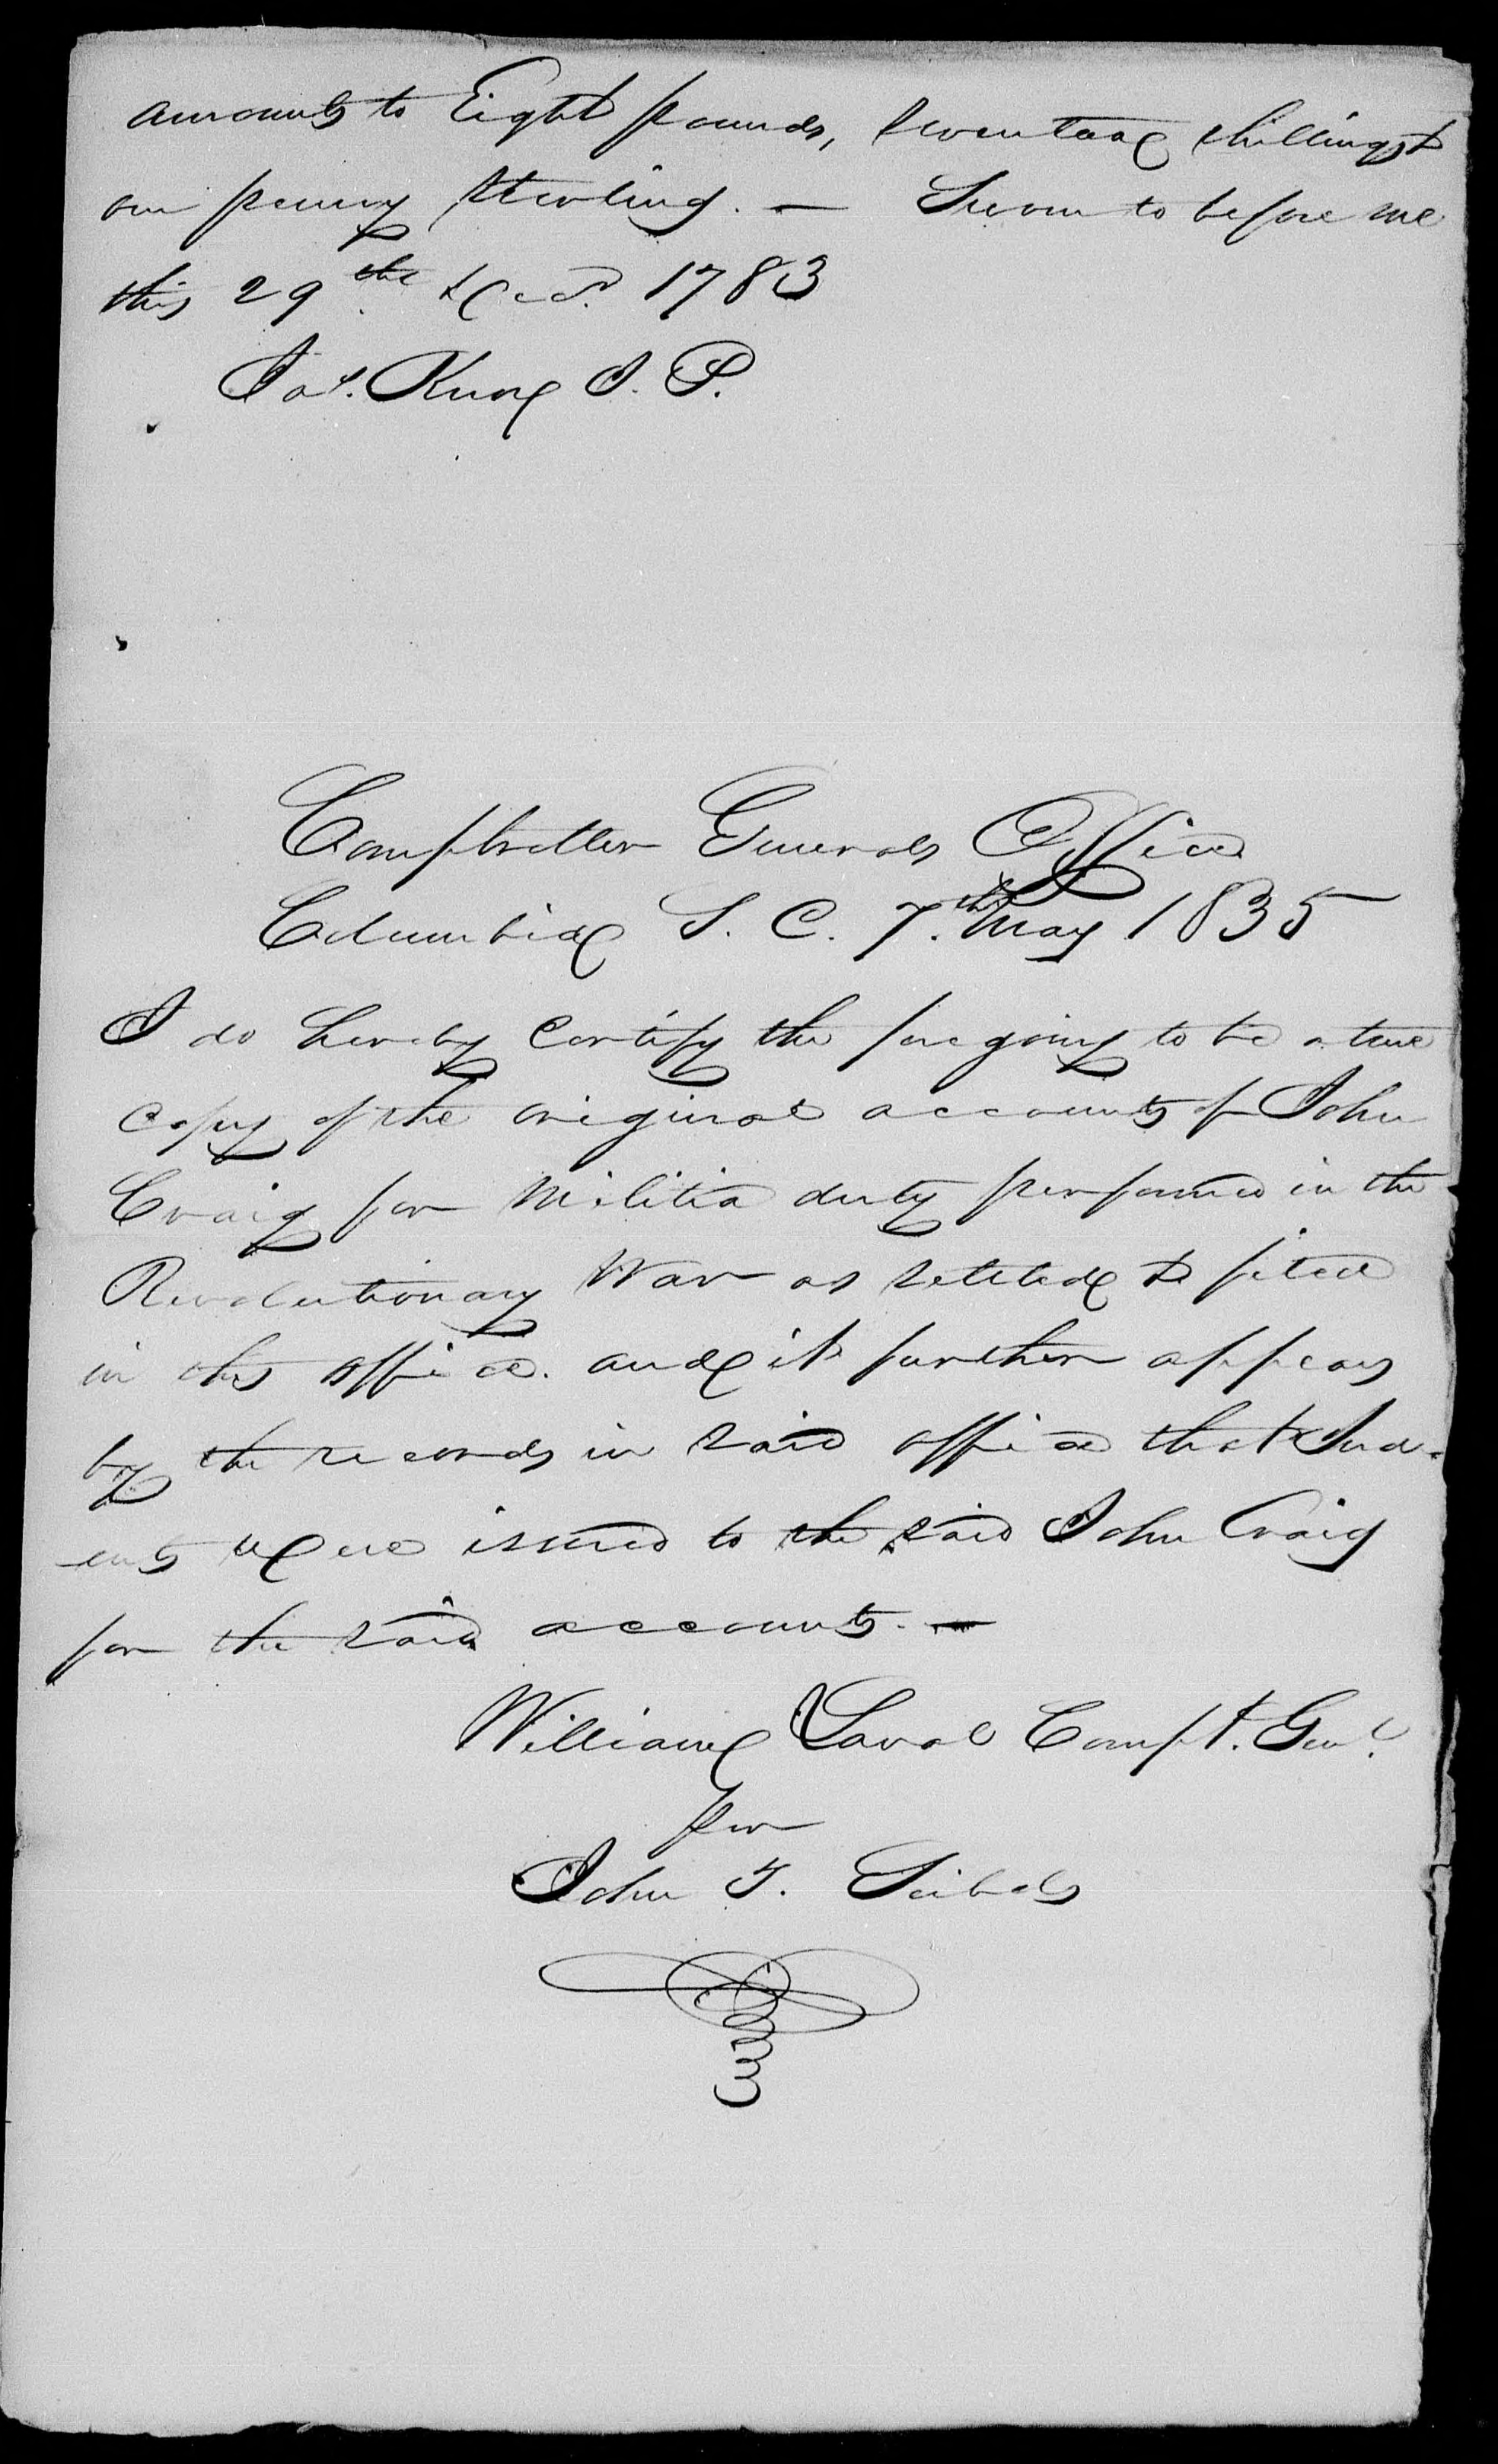amounts to Eight pounds, seventeen shillings & one penny sterling. Sworn to before me this 29th Decr. 1783
Jas. Knox J.P.

Comptroller General Office
Columbia S.C. 7th May 1835
I do hereby certify the forgoing to be a true copy of the original account of John Craig for Militia duty performed in the Revolutionary War as settled & filed in this office and it further appears by the records in said office that [illegible]
were issued to the said John Craig for the said accounts.
William Laval Compt. Genl.
for John T. Seibels
---
out to Eight pounds, seventy shillings
penny sterling.-
Sworn to before me
29
the 1783
Jas Rung J.P.
Comptroller General
Office
Columbia
S. C.
May 1835
do hereby certify the foregoing to be true
copy of the original accounts of John
Craig
for Militia duty performed in the ┃
Revolutionary War as settled & filed
in the office, and it further appears
by
the records in said
office that I
entire issued to the said John Condon
the said
account
William Laval Compt Genl
for
John T. Seibels
Download
of 55
1
2
3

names: Jas Knox, John Craig, William Laval, John Craig, John T Seibels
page: 37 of 55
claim: widow's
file: W. 22864, John Craig, S.C. Born In Iceland